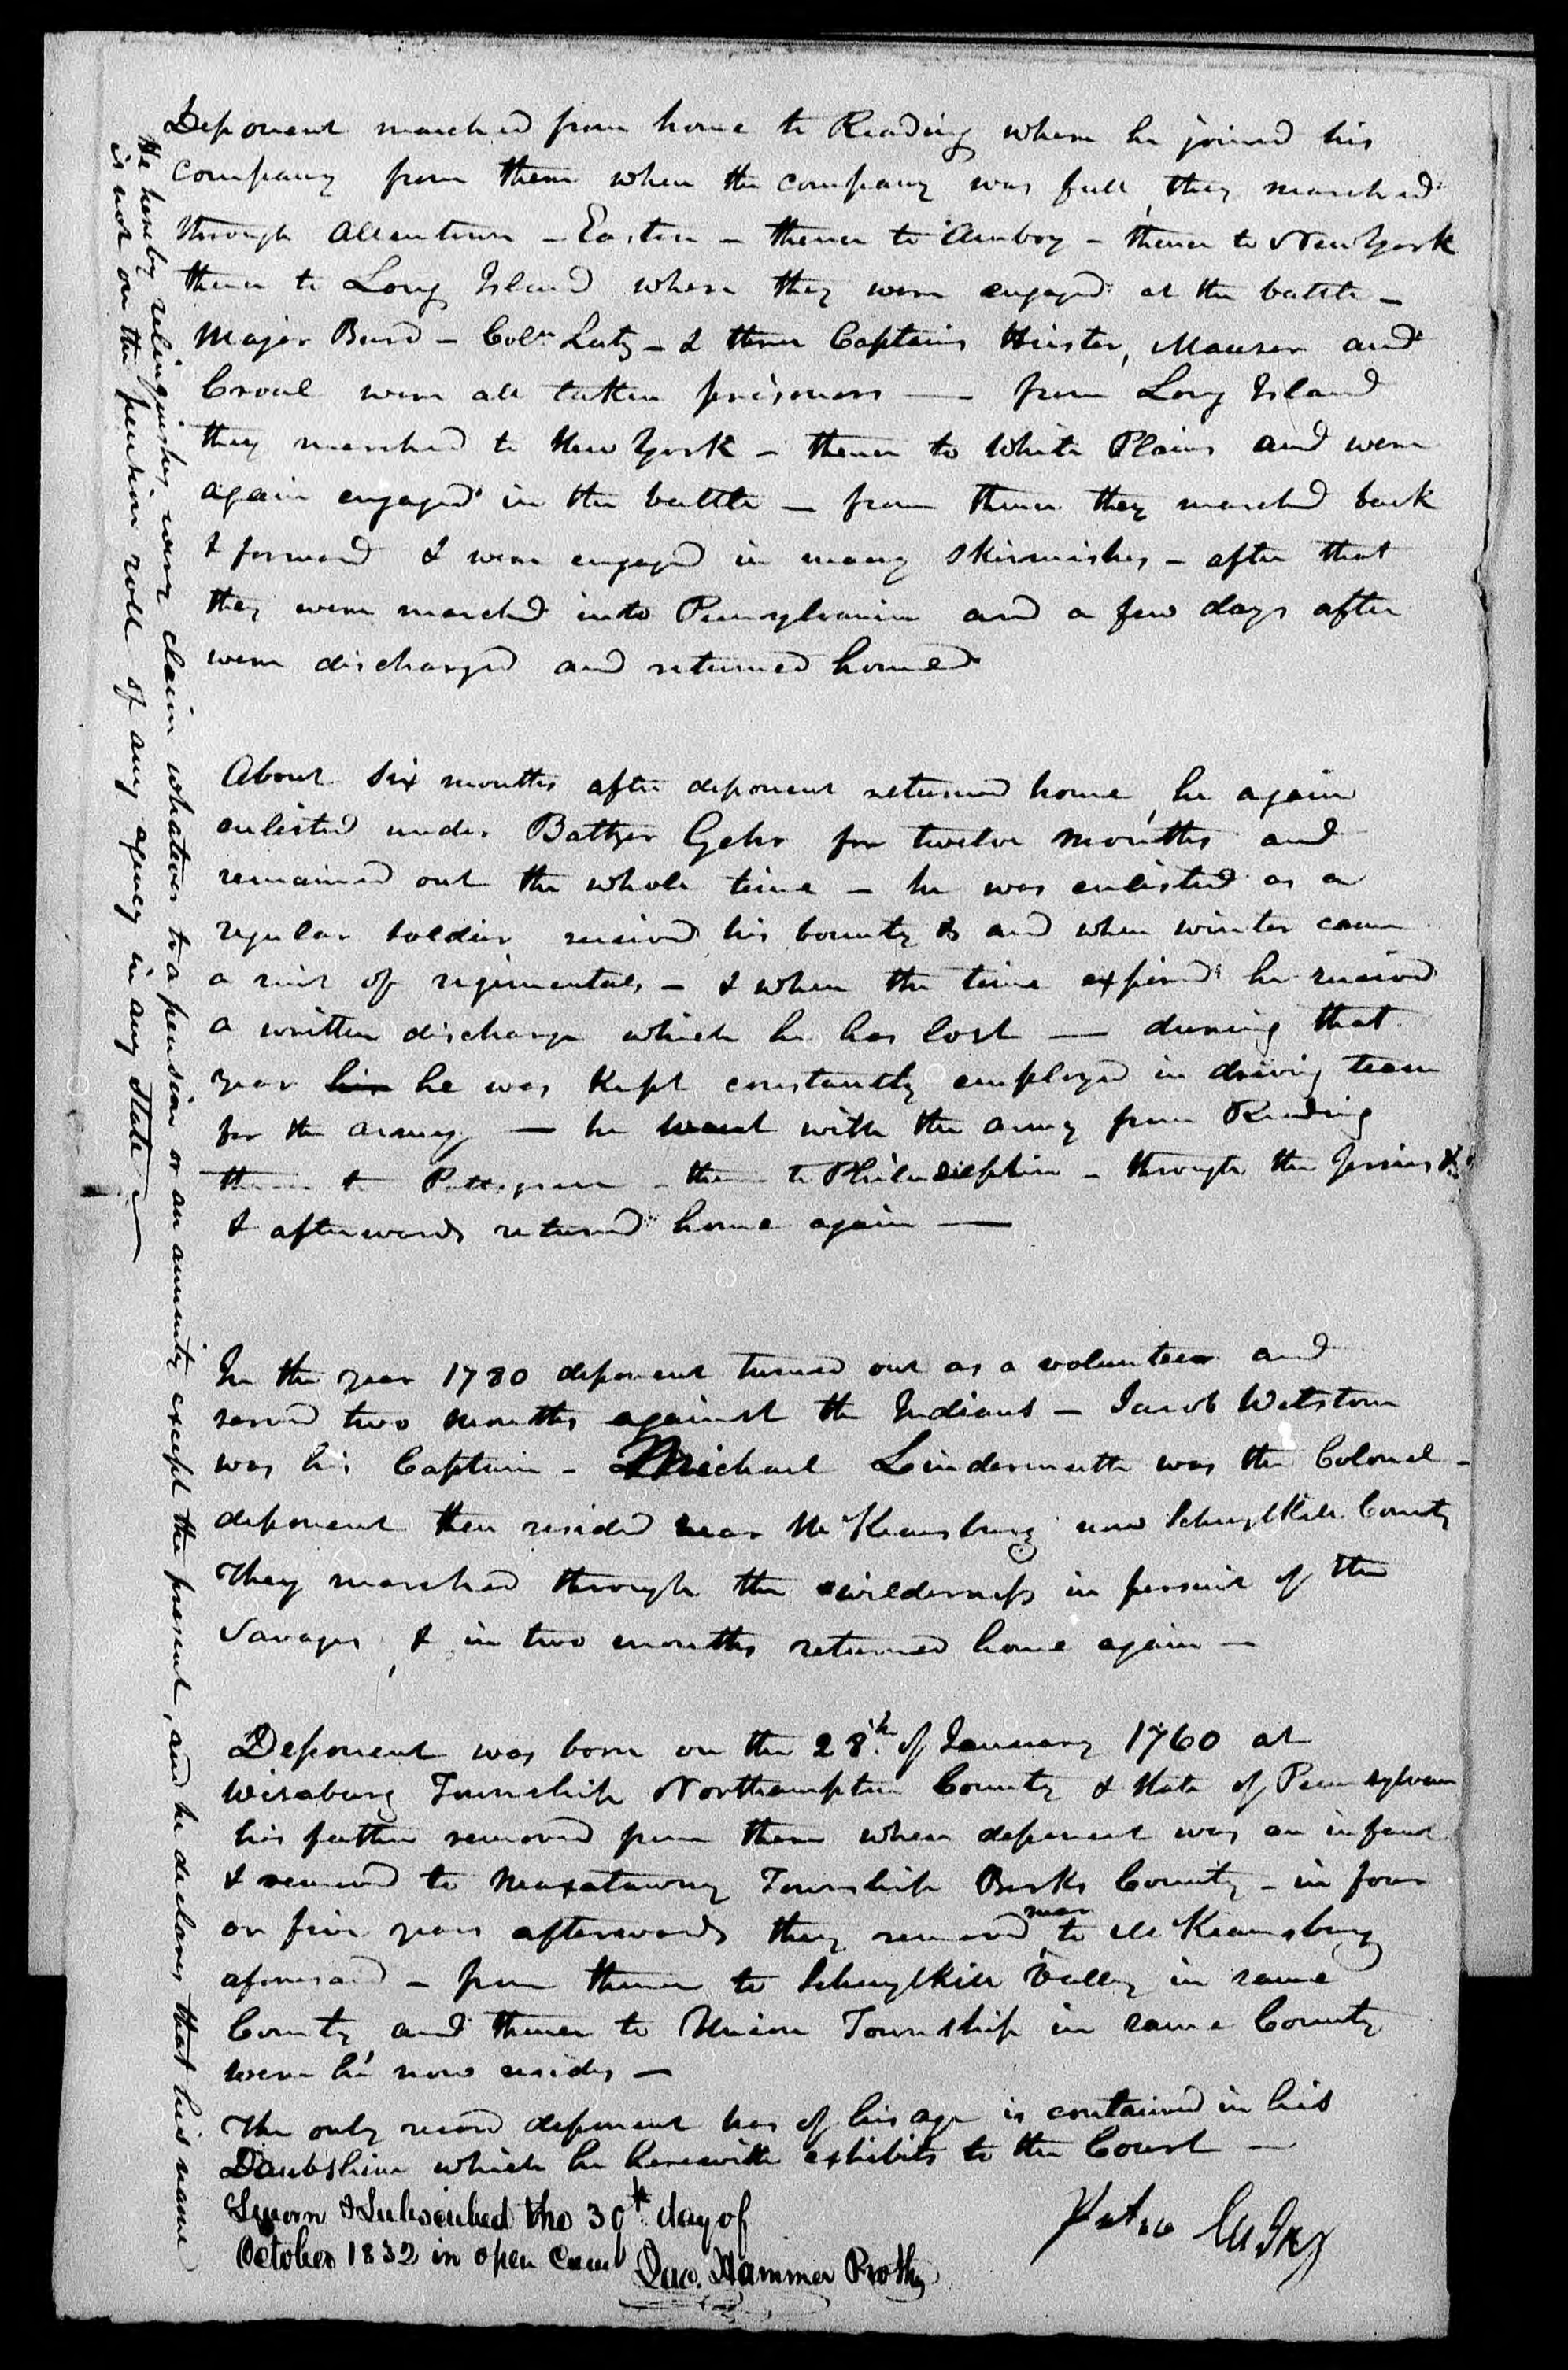Deponent marched from home to Reading when he joined his company [illegible] then when the company was full, they marched through Allentown - Eastern - then to Amboy - then to New York thence to Long Island when they were engaged at the battle - Major Burd - Col. Lutz - and their Captains Heister, Mauser and Croul were all taken prisoners - from Long Island they marched to New York - then to White Plains and were again engaged in the battle - from there they Marched back & forward & was engaged in many skirmishes - after that they were marched into Pennsylvania and a few days after were discharged and returned home.
About six months after deponent returned home, he again enlisted under Baltzer Gehr for twelve months and remained out the whole time - he was enlisted as a regular soldier, served his [illegible] and when winter came a [illegible] of regimental, - & when the time expired he received a written discharge which he has lost - during that year [illegible crossed out word] he was kept constantly employed in driving team for the army - he went with the army from Reading then to Pottsgrove - then to Philadelphia -through the [illegible] & afterwards returned home again - 
In the year 1780 deponent turned out as a volunteer and served two months against the Indians - Jacob Wetstone was his Captain - Michael Lindermuth was the Colonel - deponent then resided near McKeansburg now Schuylkill County.  They marched through the wilderness in pursuit of the Savages, & in two months returned home again - 
Deponent was born on the 28th of January 1760 at Wisaburg Township Northampton County & State of Pennsylvania his father [illegible] them when deponent was an infant & [illegible] to Maxatawny Township Berks County - in four or five years afterwards they removed near to McKeansburg aforesaid - from there to Schuylkill Valley in same County, and then to Union Township in same County where he now resides - 
The only record deponent has of his age is contained in his [illegible] which he [illegible] with exhibits to the Court - 
Sworn & Subscribed the 30th day of October 1832 in open court
Jac. Hammer Prothy [Prothonotary] [signature]
Peter Ladig [signature]

[Written in left margin of page]:
We hereby relinquish every claim whatever to a pension or an annuity except the present, and he declares that his name is not on the pension roll of any agency in any state -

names: Jac Hammer; [BLANK] Burd; Jacob Wetstone; Peter Ladig; Baltzer Gehr; [BLANK] Mauser; [BLANK] Lutz; [BLANK] Heister; [BLANK] Croul; Michael Lindermuth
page: 7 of 17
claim: survivor's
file: S. 4499, for Peter Ladig, Pennsylvania